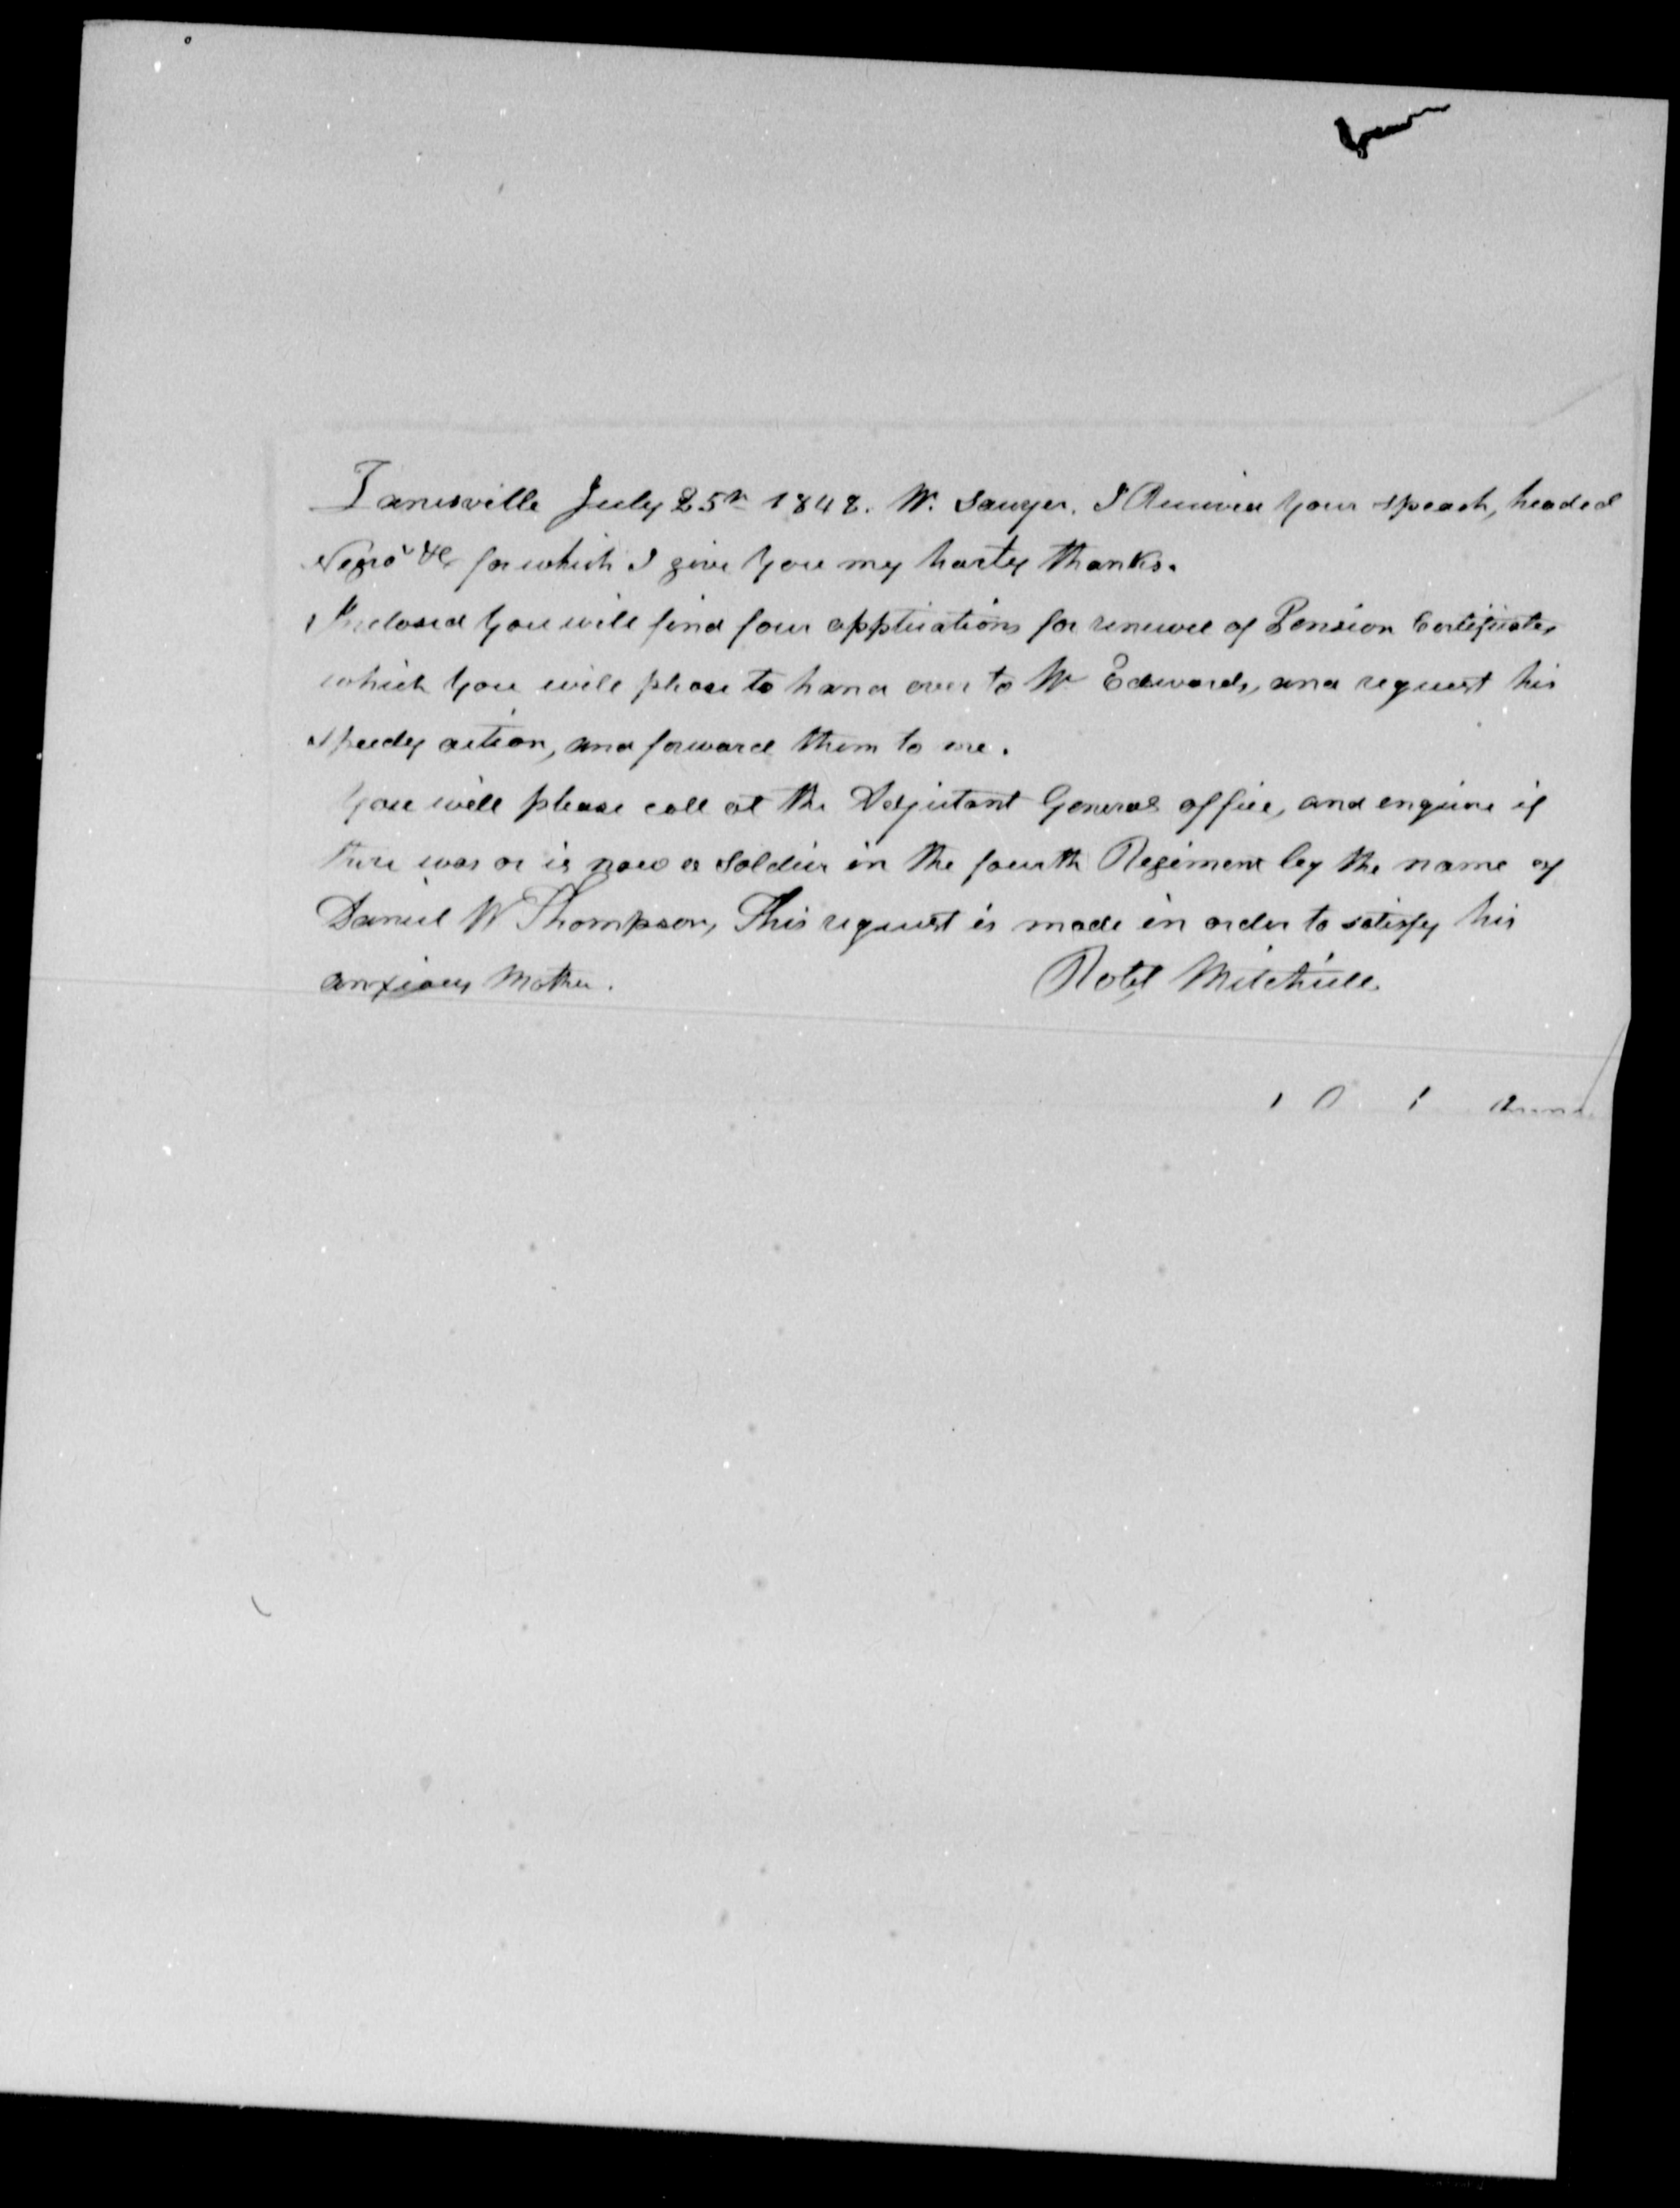Janesville  July 25th 1848. W. Sawyer. I ___wise your speech, headed __egro've for which I give you my hearty thanks.
Enclosed you will find four applications for renewal of Pension Certificates which you will _____ to hand over to W. Edwards and request his speedy action, and forward them to one.
You will please call at the Adjutant Generals office, and enquire if there was or is now a soldier in the fourth Regiment by the name of Daniel W. Thompson, This request is made in order to satisfy his anxious mother. 
Robert Michelle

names: W Sawyer; Daniel W Thompson; [BLANK] Edwards; Robt Mitchiell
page: 17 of 84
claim: widow's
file: W.11104, for John Remay, Virginia